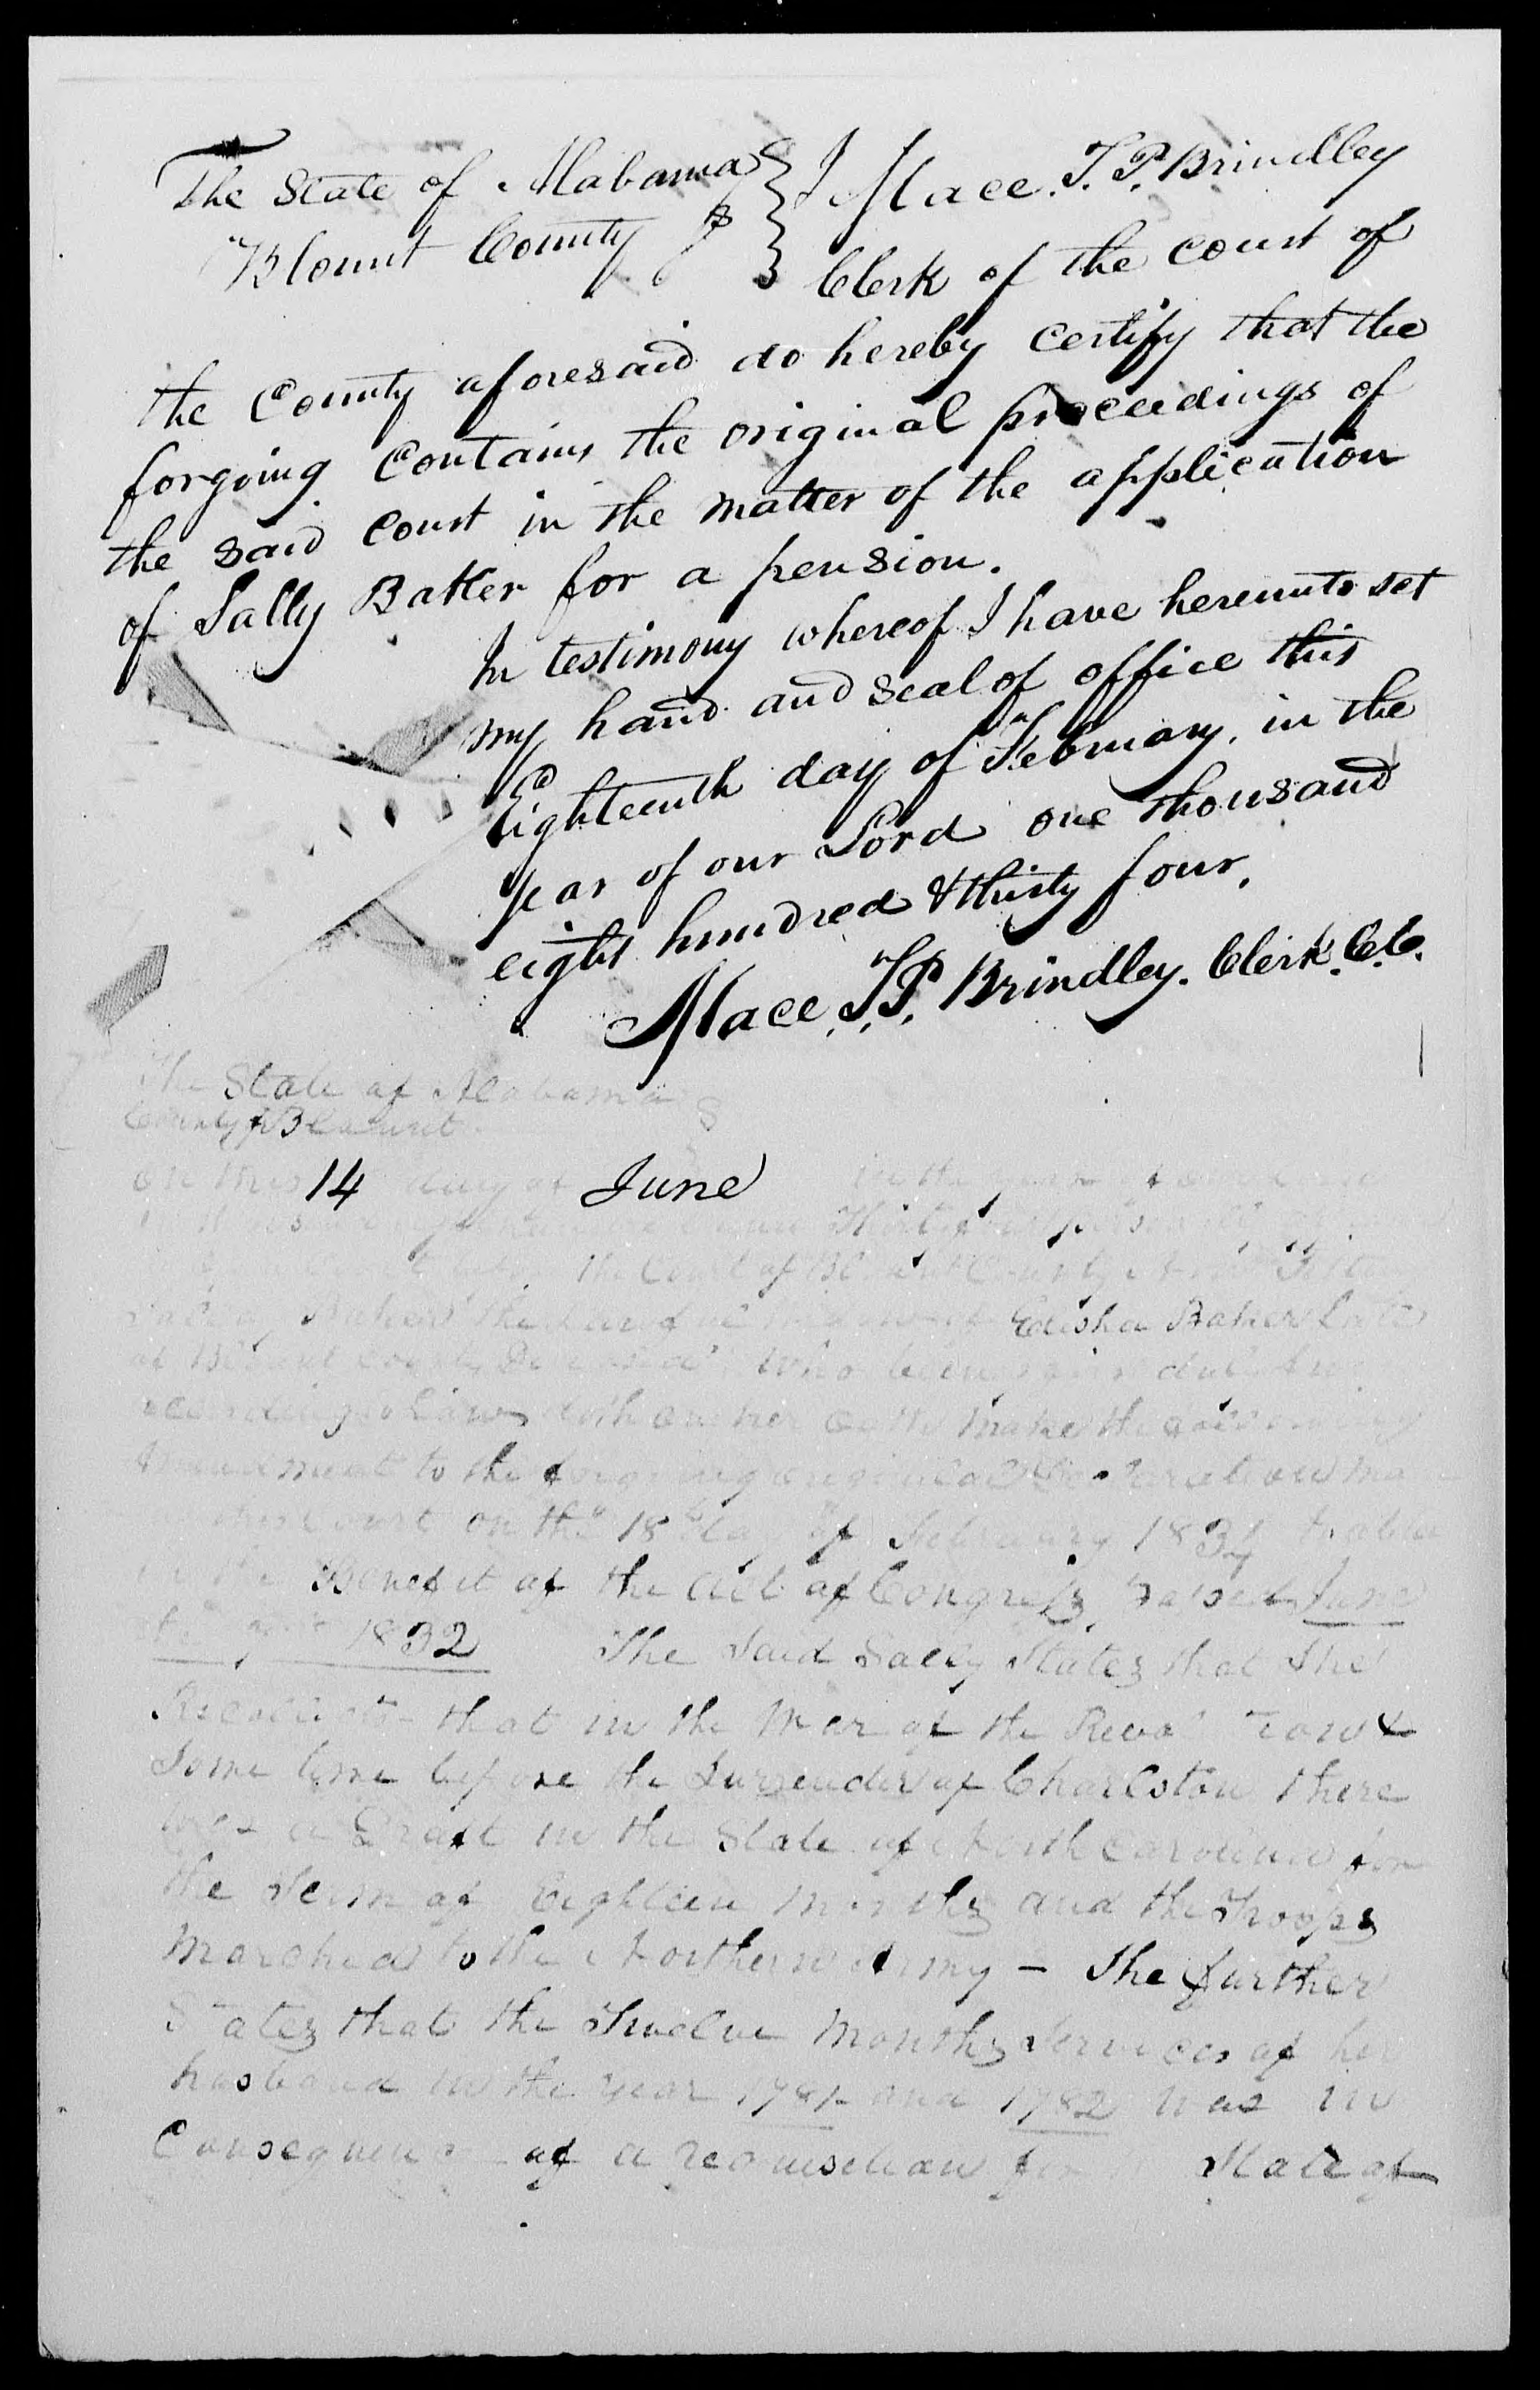The State of Alabama }
Blount County ss }
I Mace. T. P. Brindley Clerk of the court of the county aforesaid do hereby certify that the foregoing contains the original proceedings of the said court in the matter of the application of Sally Baker for a pension.
[seal]
In testimony whereof I have hereunto set my hand and seal of office this Eighteenth day of February, in the year of our Lord one thousand eight hundred & thirty four,
S/Mace. T. P. Brindley. Clerk. C. C.


The State of Alabama }
County of Blount. } S
on this 14 day of June in the year of our Lord one thousand eight hundred thirty four personally appeared in open court the Court of Blount County [illegible] Baker the lawful widow of Elisha Baker Late of Blount County [illegible] who being fist duly sworn according to Law doth on her oath make the following Amendment to the foregoing original Declaration made in this court on the 18th day of February 1834 to obtain the Benefit of the Act of Congress passed June the 7th 1832 The Said Sally States that She Recollects - that in the War of the Revolution & some time before the Surrender of Charleston there was a Draft in the State of North Carolina for the Term of Eighteen months and the Troops marched to the Northern Army - she further states that the Twelve months services of her husband in the year 1781- and 1782 was in consequence of a requisition for the State of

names: Sally, Sally Baker, Elisha Baker, Mace T P Brindley, Mace T P Brindley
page: 11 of 22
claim: rejected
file: R. 411, Elisha Baker, N.C.